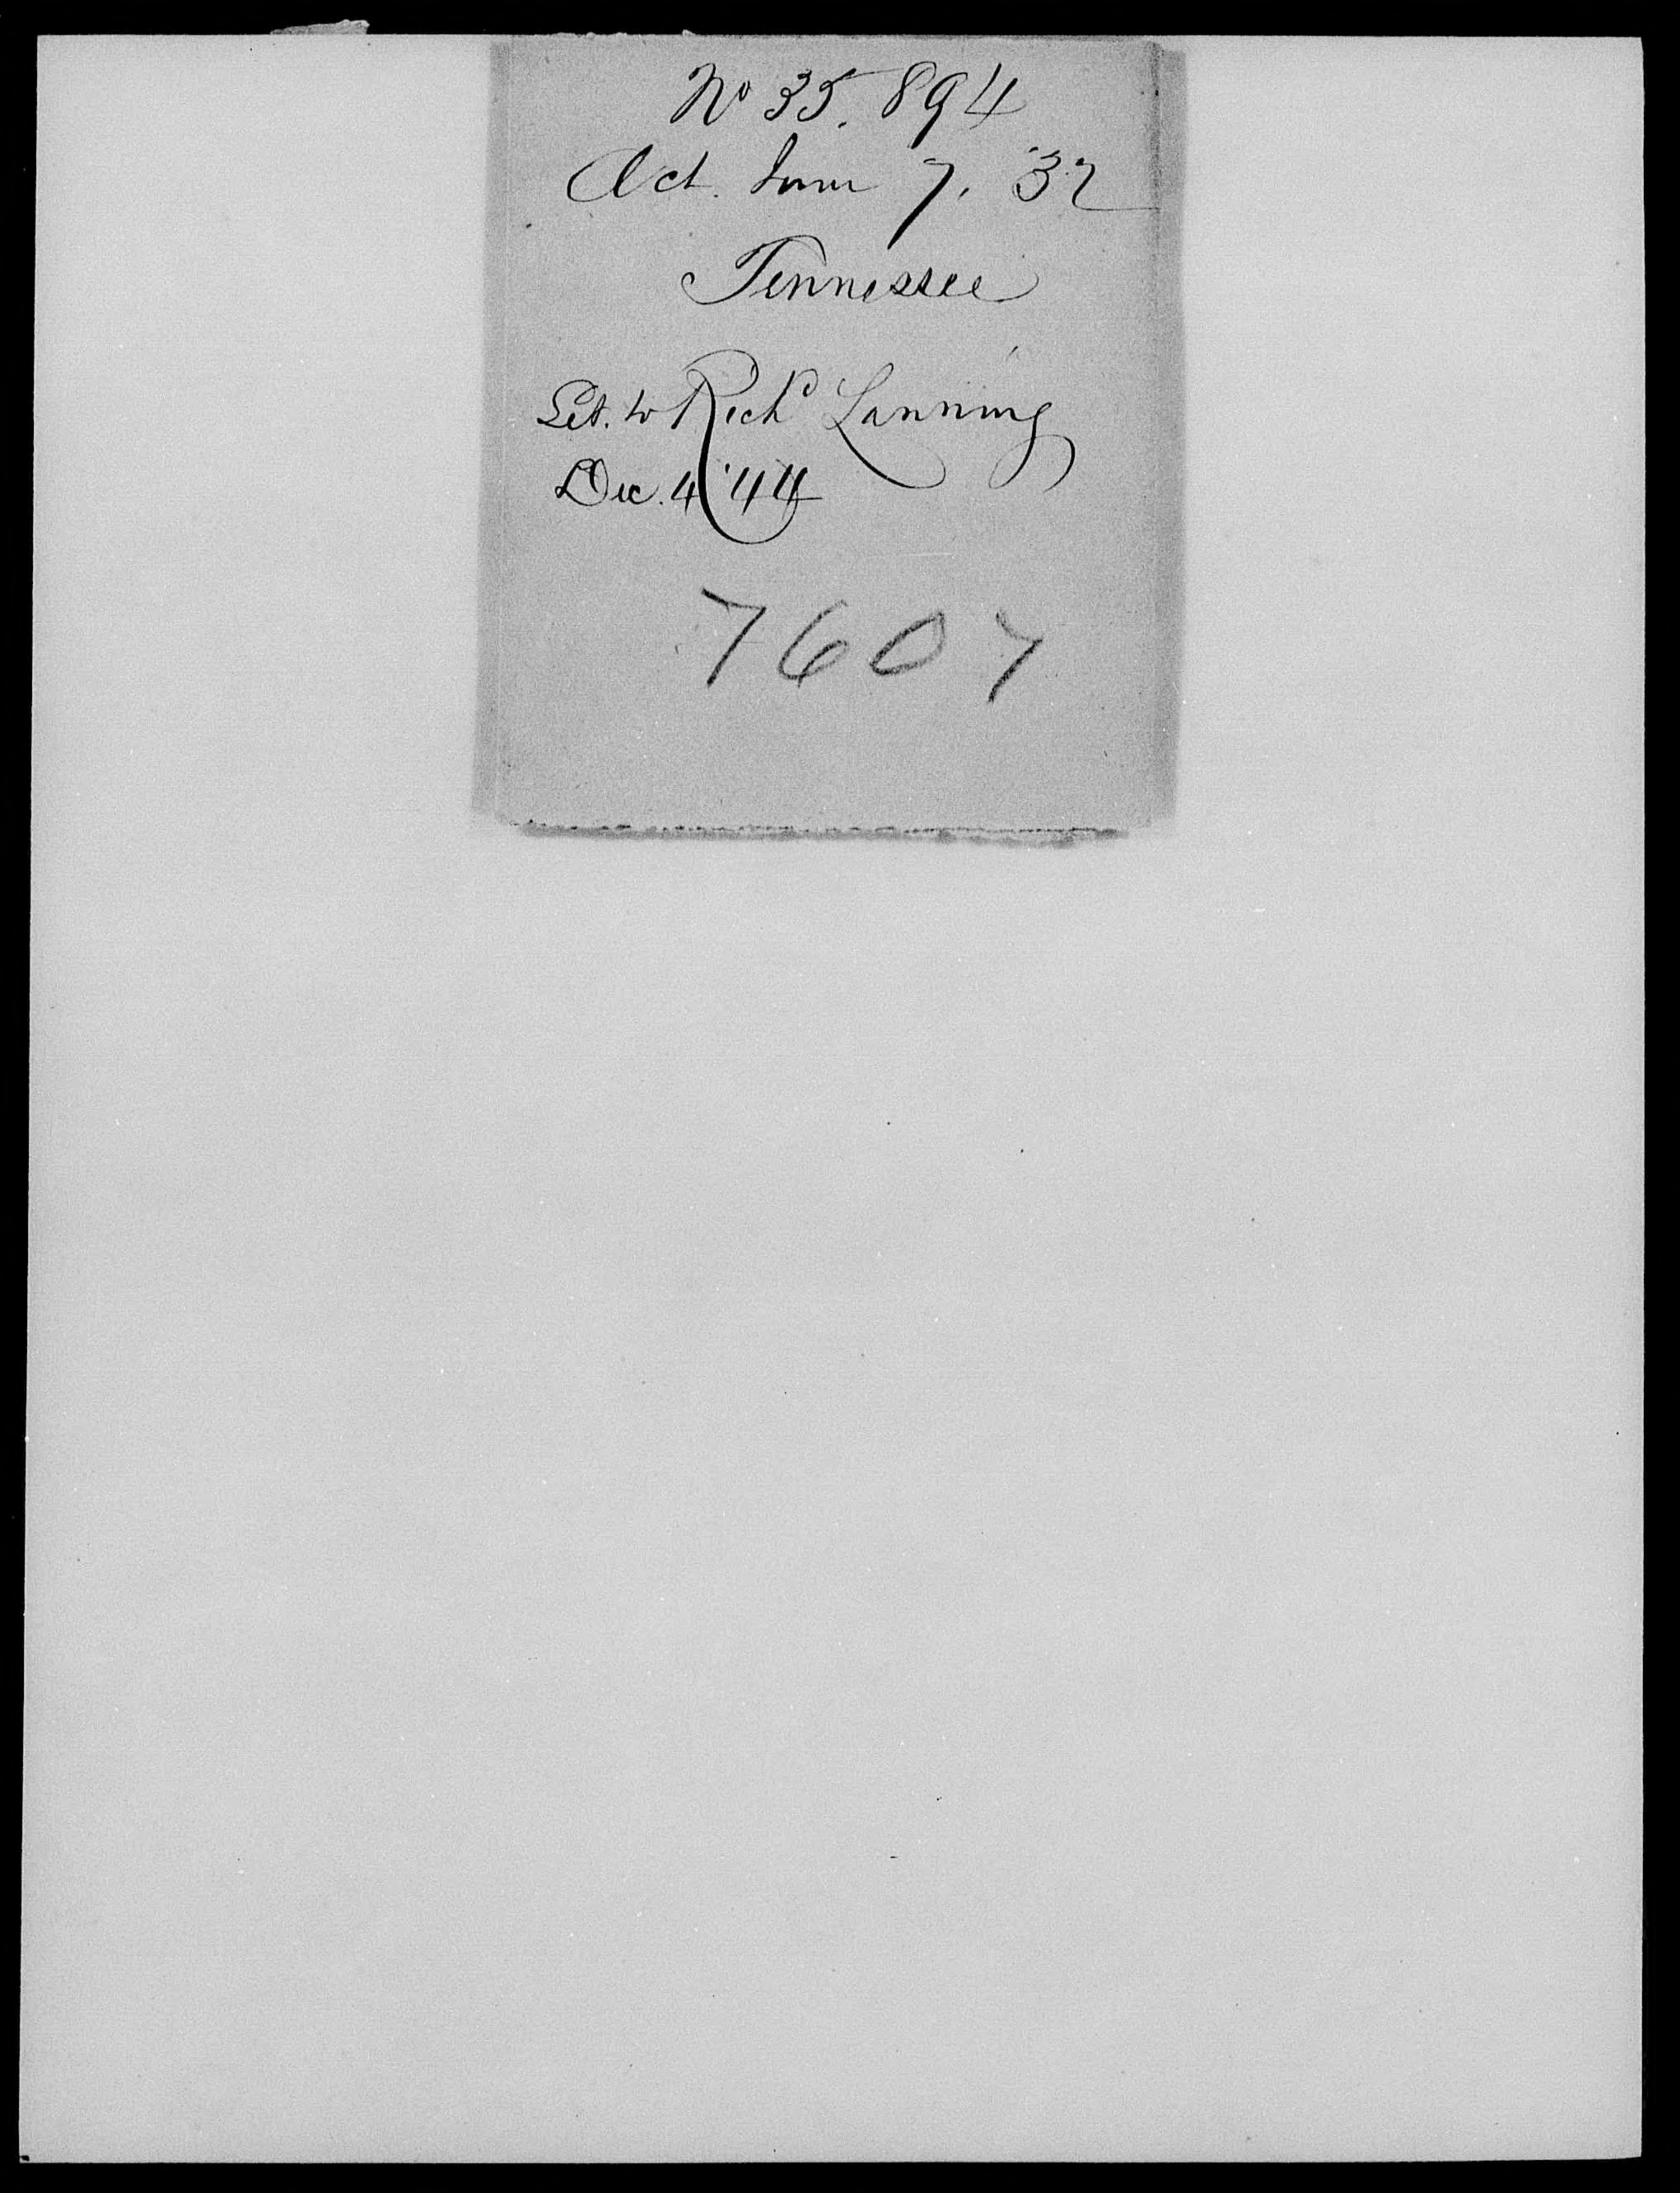No 35. 894
Act Jun 7 '32
Tennessee
Let to Rich Lanning
Dec. 4 '44

7607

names: Richd Lanning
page: 2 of 10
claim: rejected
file: R. 7,607, for James Levins, Georgia